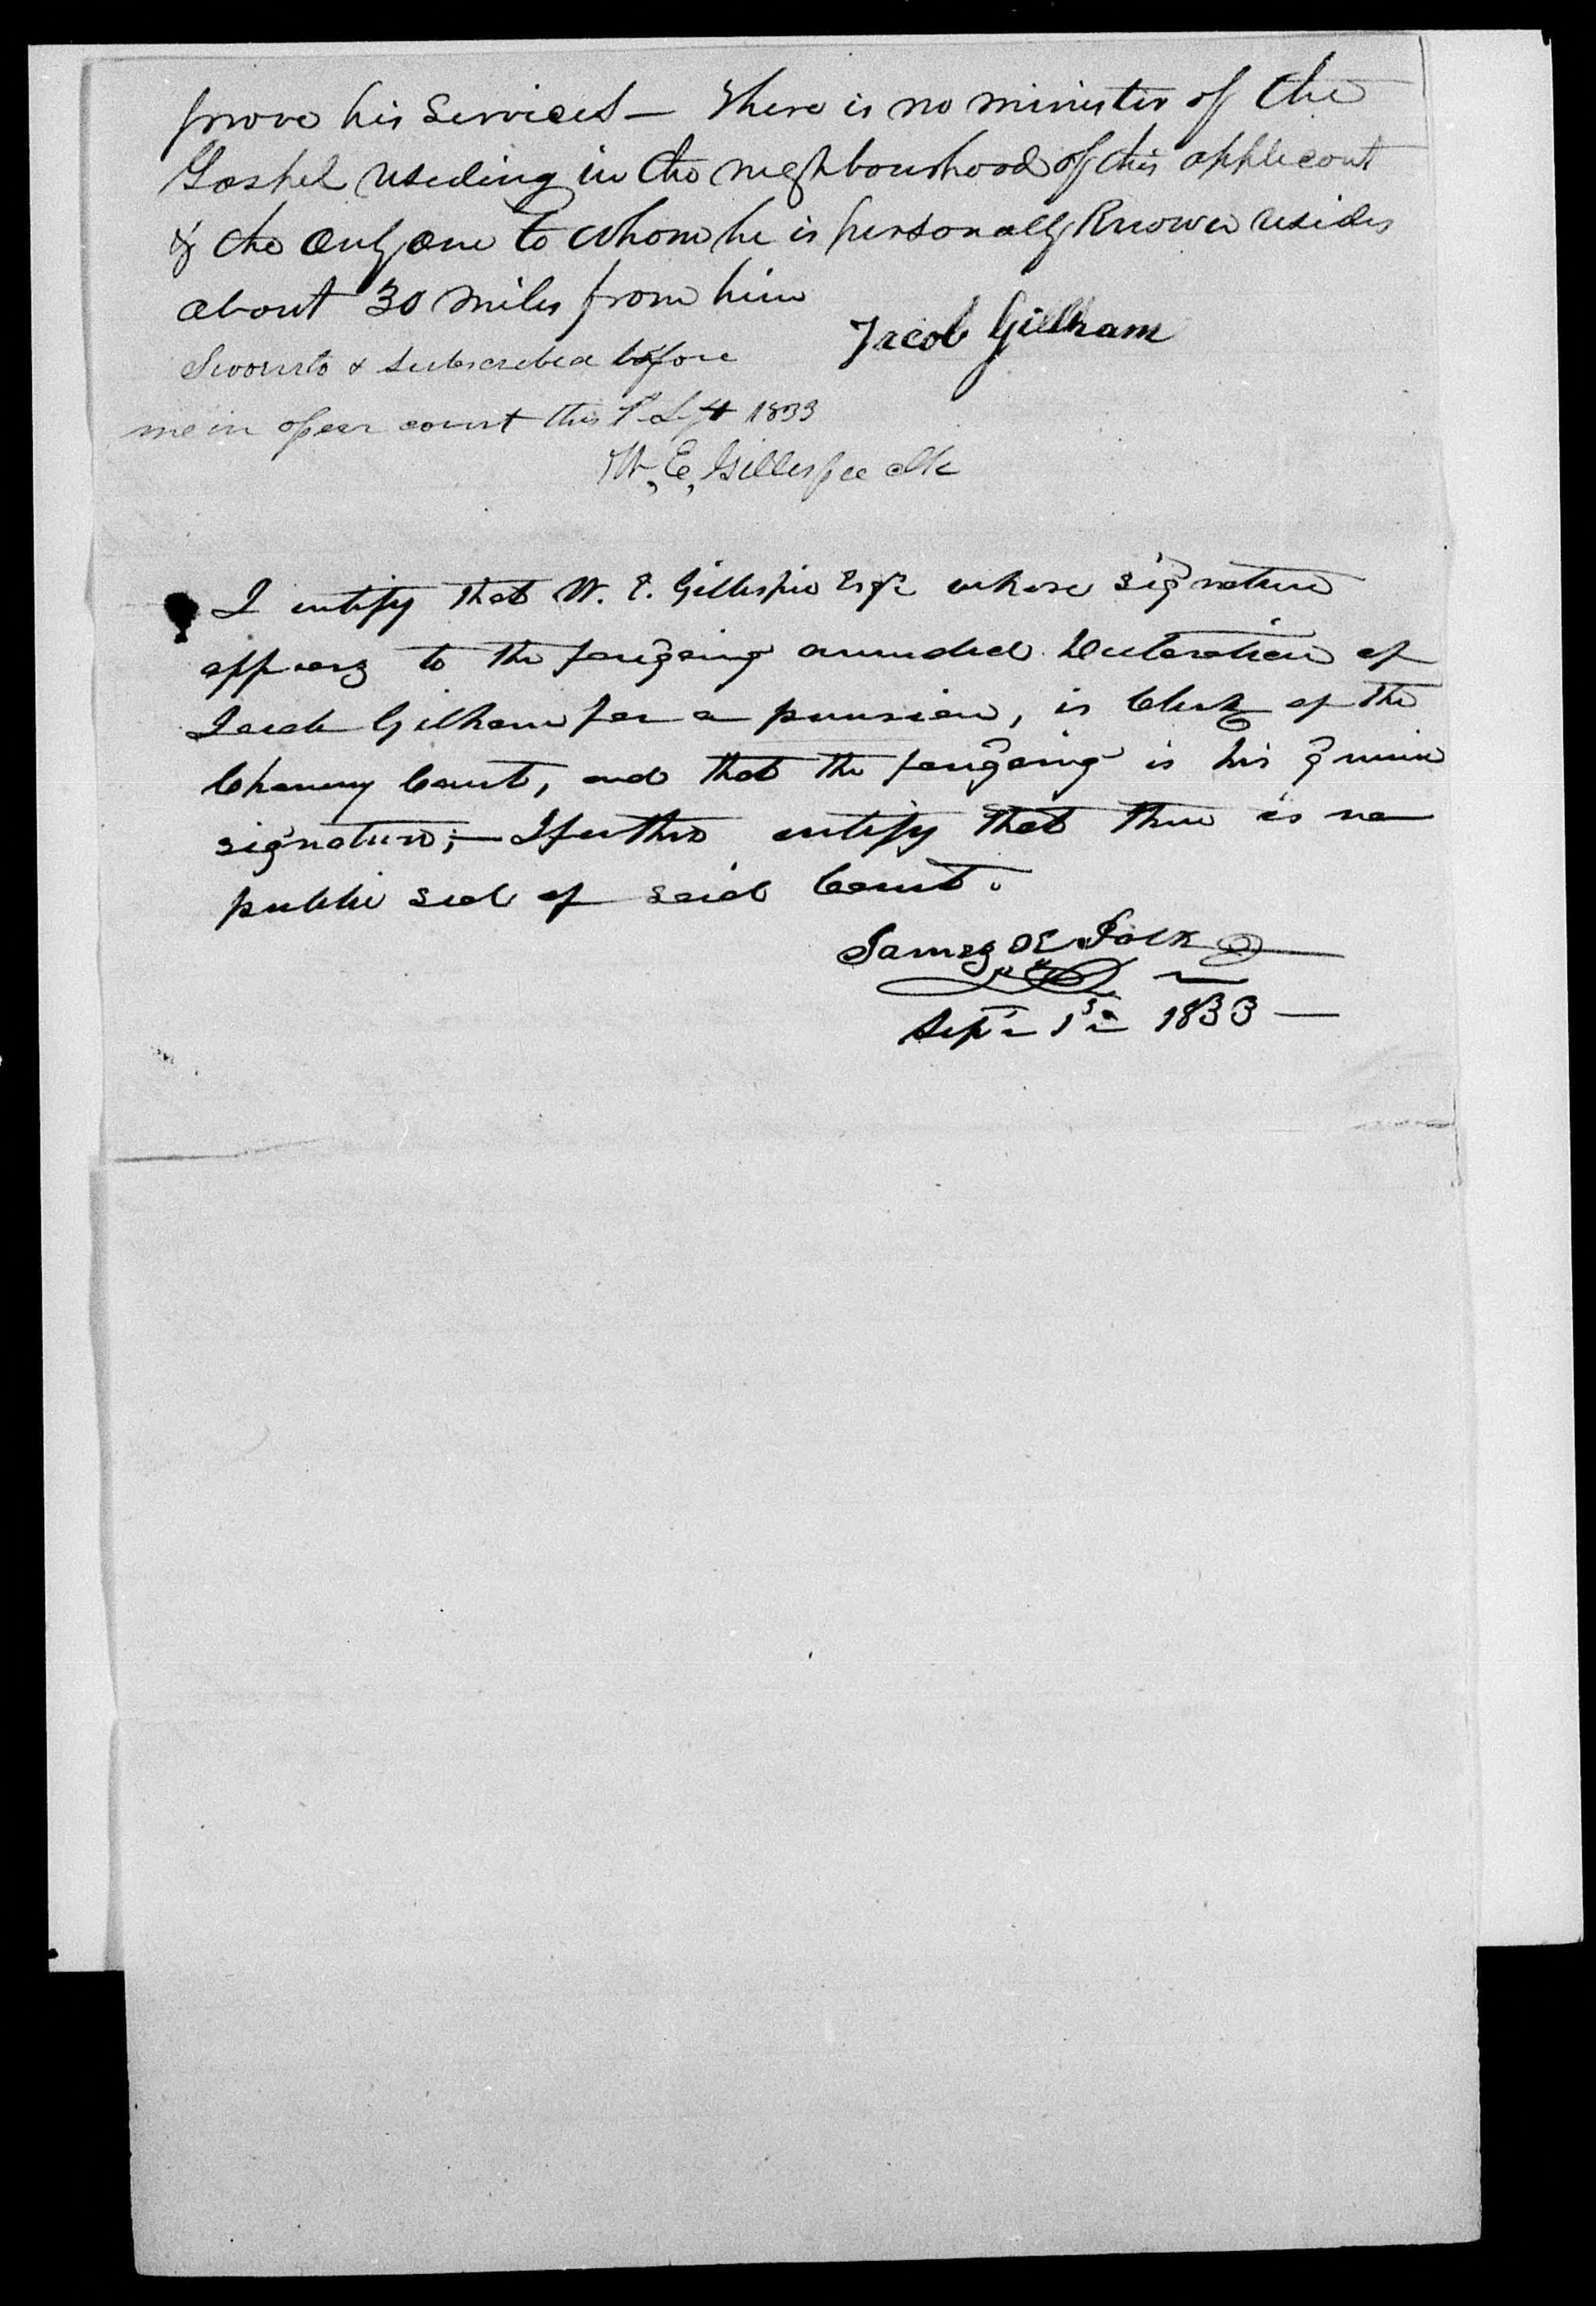prove his services there is no minister of the Gospel residing in the neighbourhood of this applicant & the only one to whom he is personally known resides about 30 miles from him Jacob Gillham
Swornto & subscribed before me in open court this 7th Sept 1833
Wm E Gillsepie clk
I certify that WE Gillespie Esqr whose signature appears to the foregoing amended declaration of Jacob Gillham for a pension is clerk of the Chancery court and that the foregoing is his genuine signature I further certify that there is no public seal of said court
James K Polk
Septr 7 1833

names: W E Gillespie, Jacob Gilham, James K Polk, Jacob Gillham, W E Gillespie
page: 16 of 17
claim: survivor's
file: S 3397, Jacob Gillham, S.C.